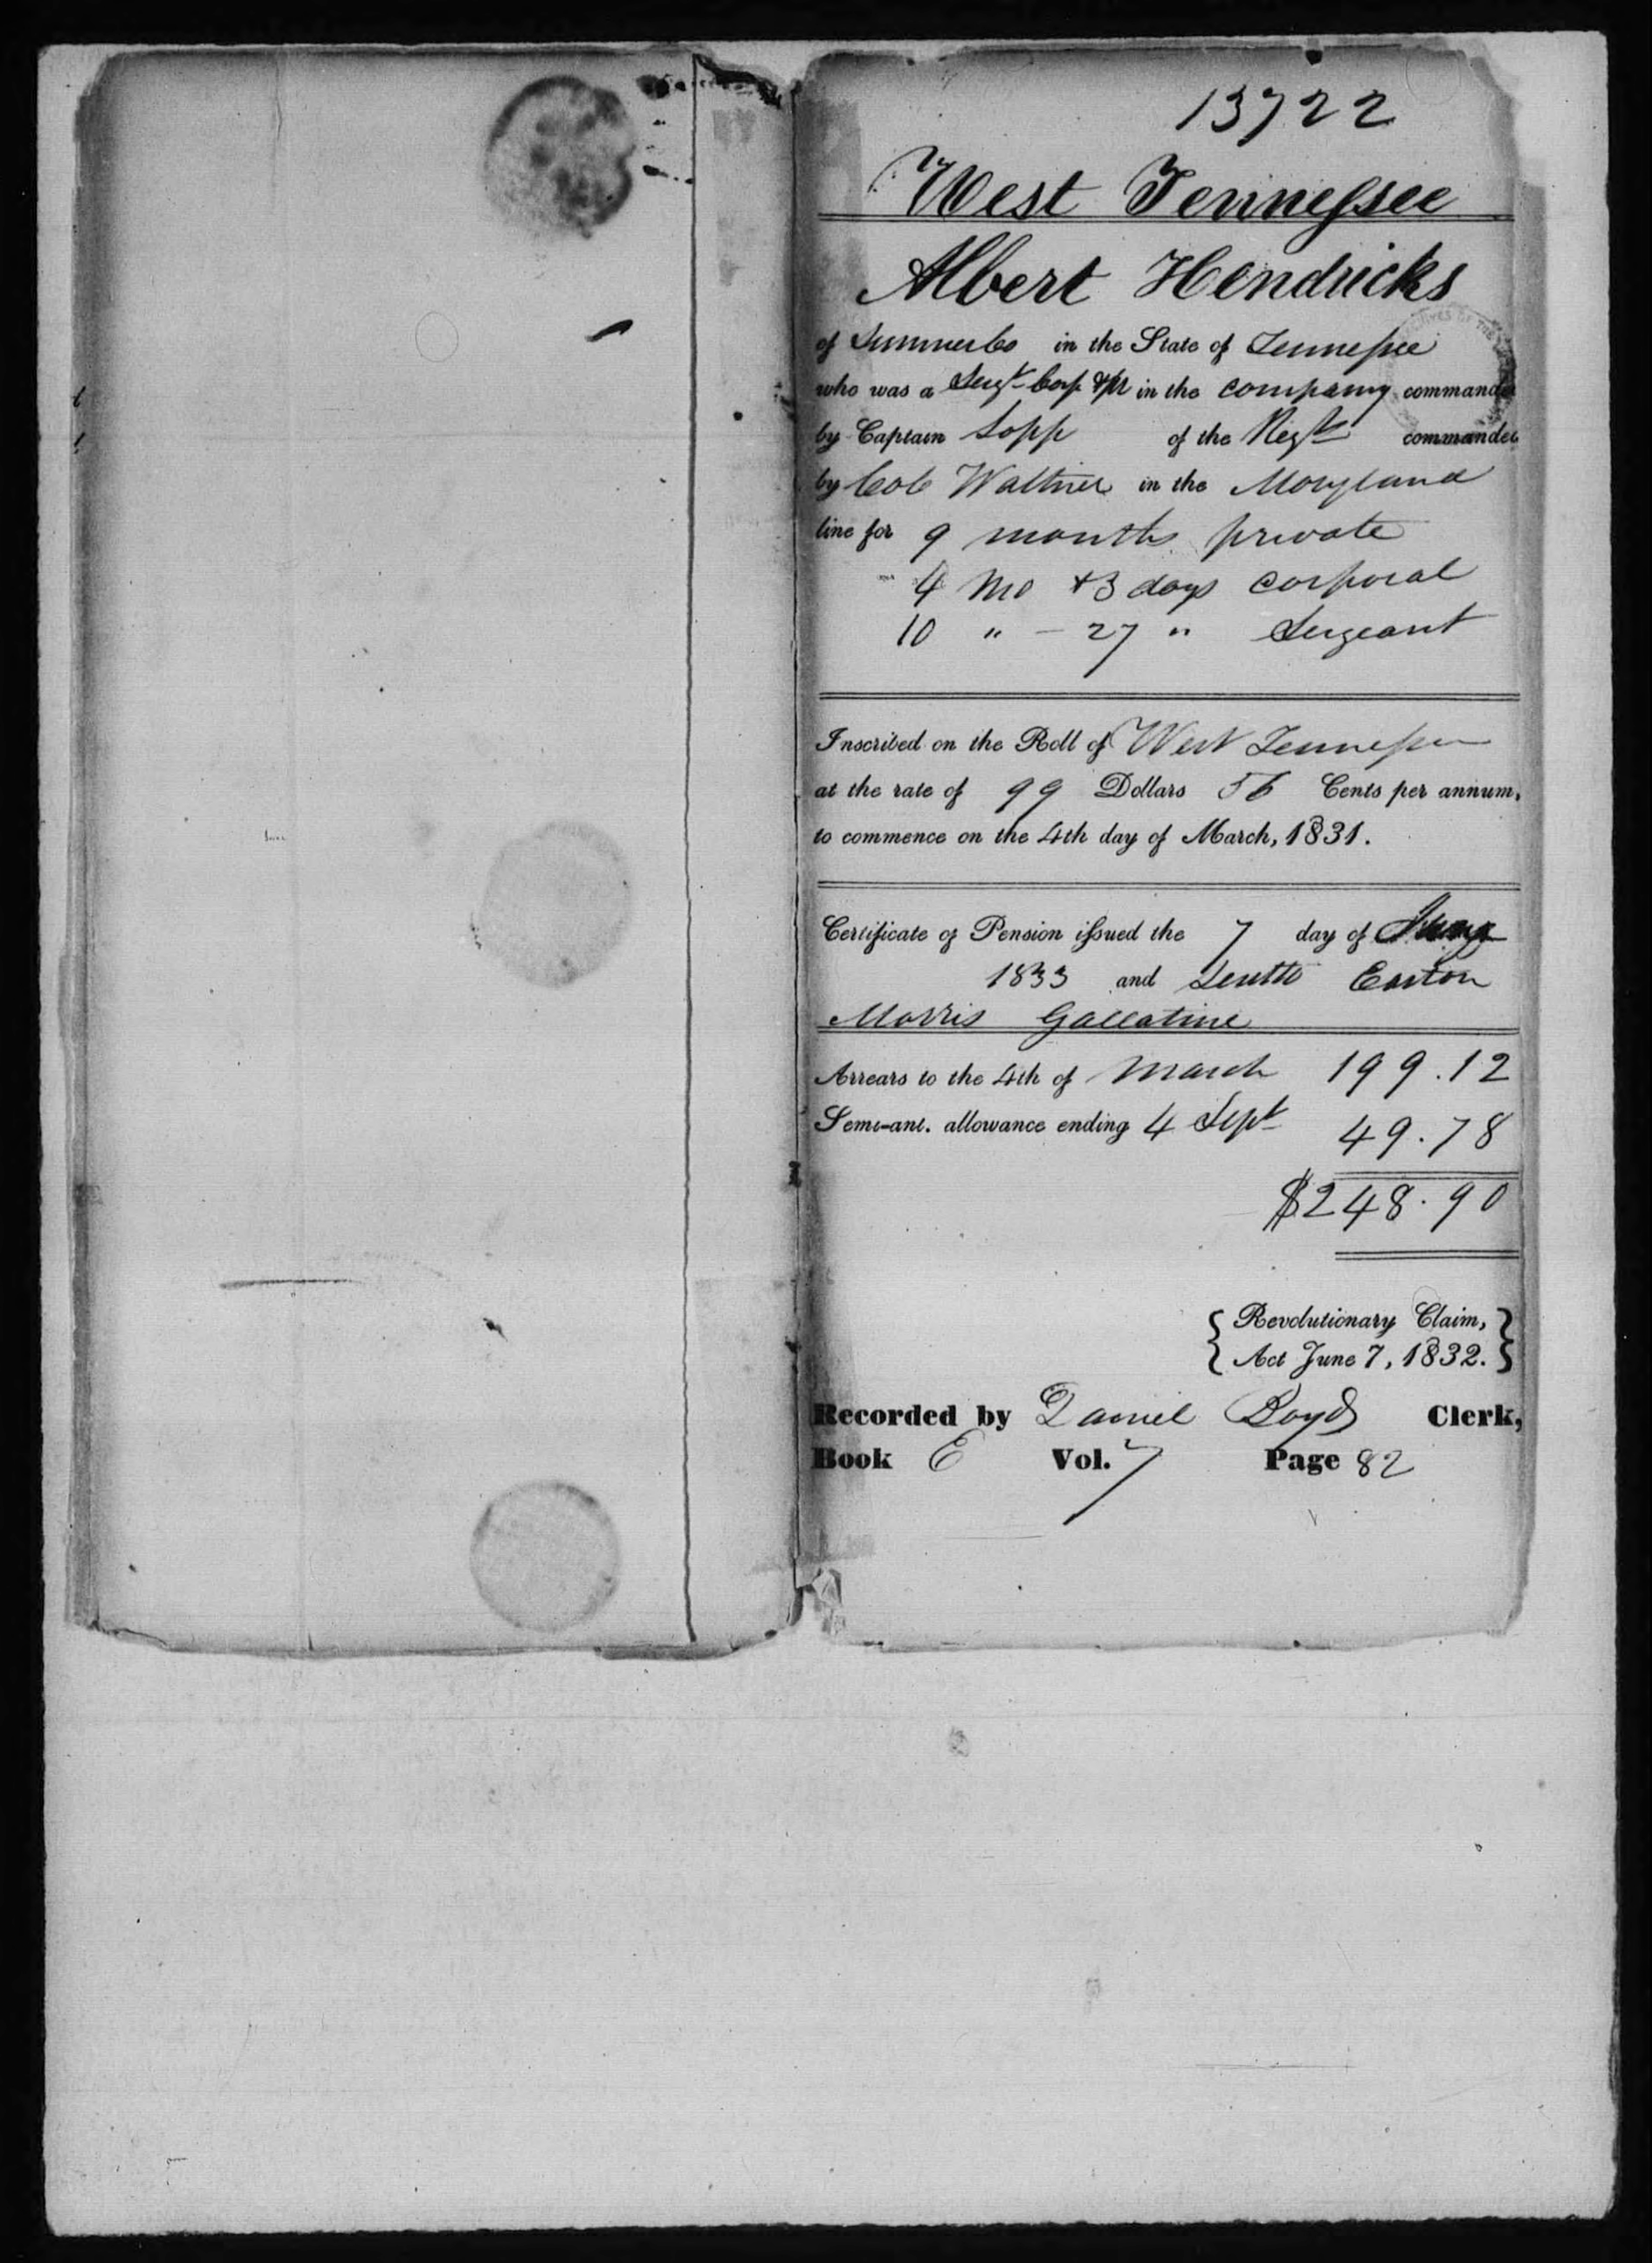13722
West Tennessee
Albert Hendricks of Sumnules in the State of Tennessee who was a Segt [illegible] in the company commanded by Captain Lopp of the Regt. commanded by Col. Waltner in the Maryland line for 9 months private
4 mo & 3 days corporal            
10  "      27  "  Sergeant

Inscribed on the Roll of West Tennessee at the rate of 99 Dollars 56 Cents per annum, to
commence on the 4th day of March, 1834.

Certificate of Pension issued the 7 day of June
1833 and sent to Easton Morris Gallatiine
Arrears to the 4th of March  199.12
Semi-anl. allowance ending 4 Sept
47.78  [total] $248.90
{Revolutionary Claim, Act June 7, 1832}
Recorded by Daniel Boyd Clerk
Book E Vol. 7 Page 82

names: Albert Hendricks, Easton Morris, Daniel Boyd, Waltner, Lopp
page: 2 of 76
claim: widow's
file: W. 83, Albert Hendricks, Continental Md. N.C.